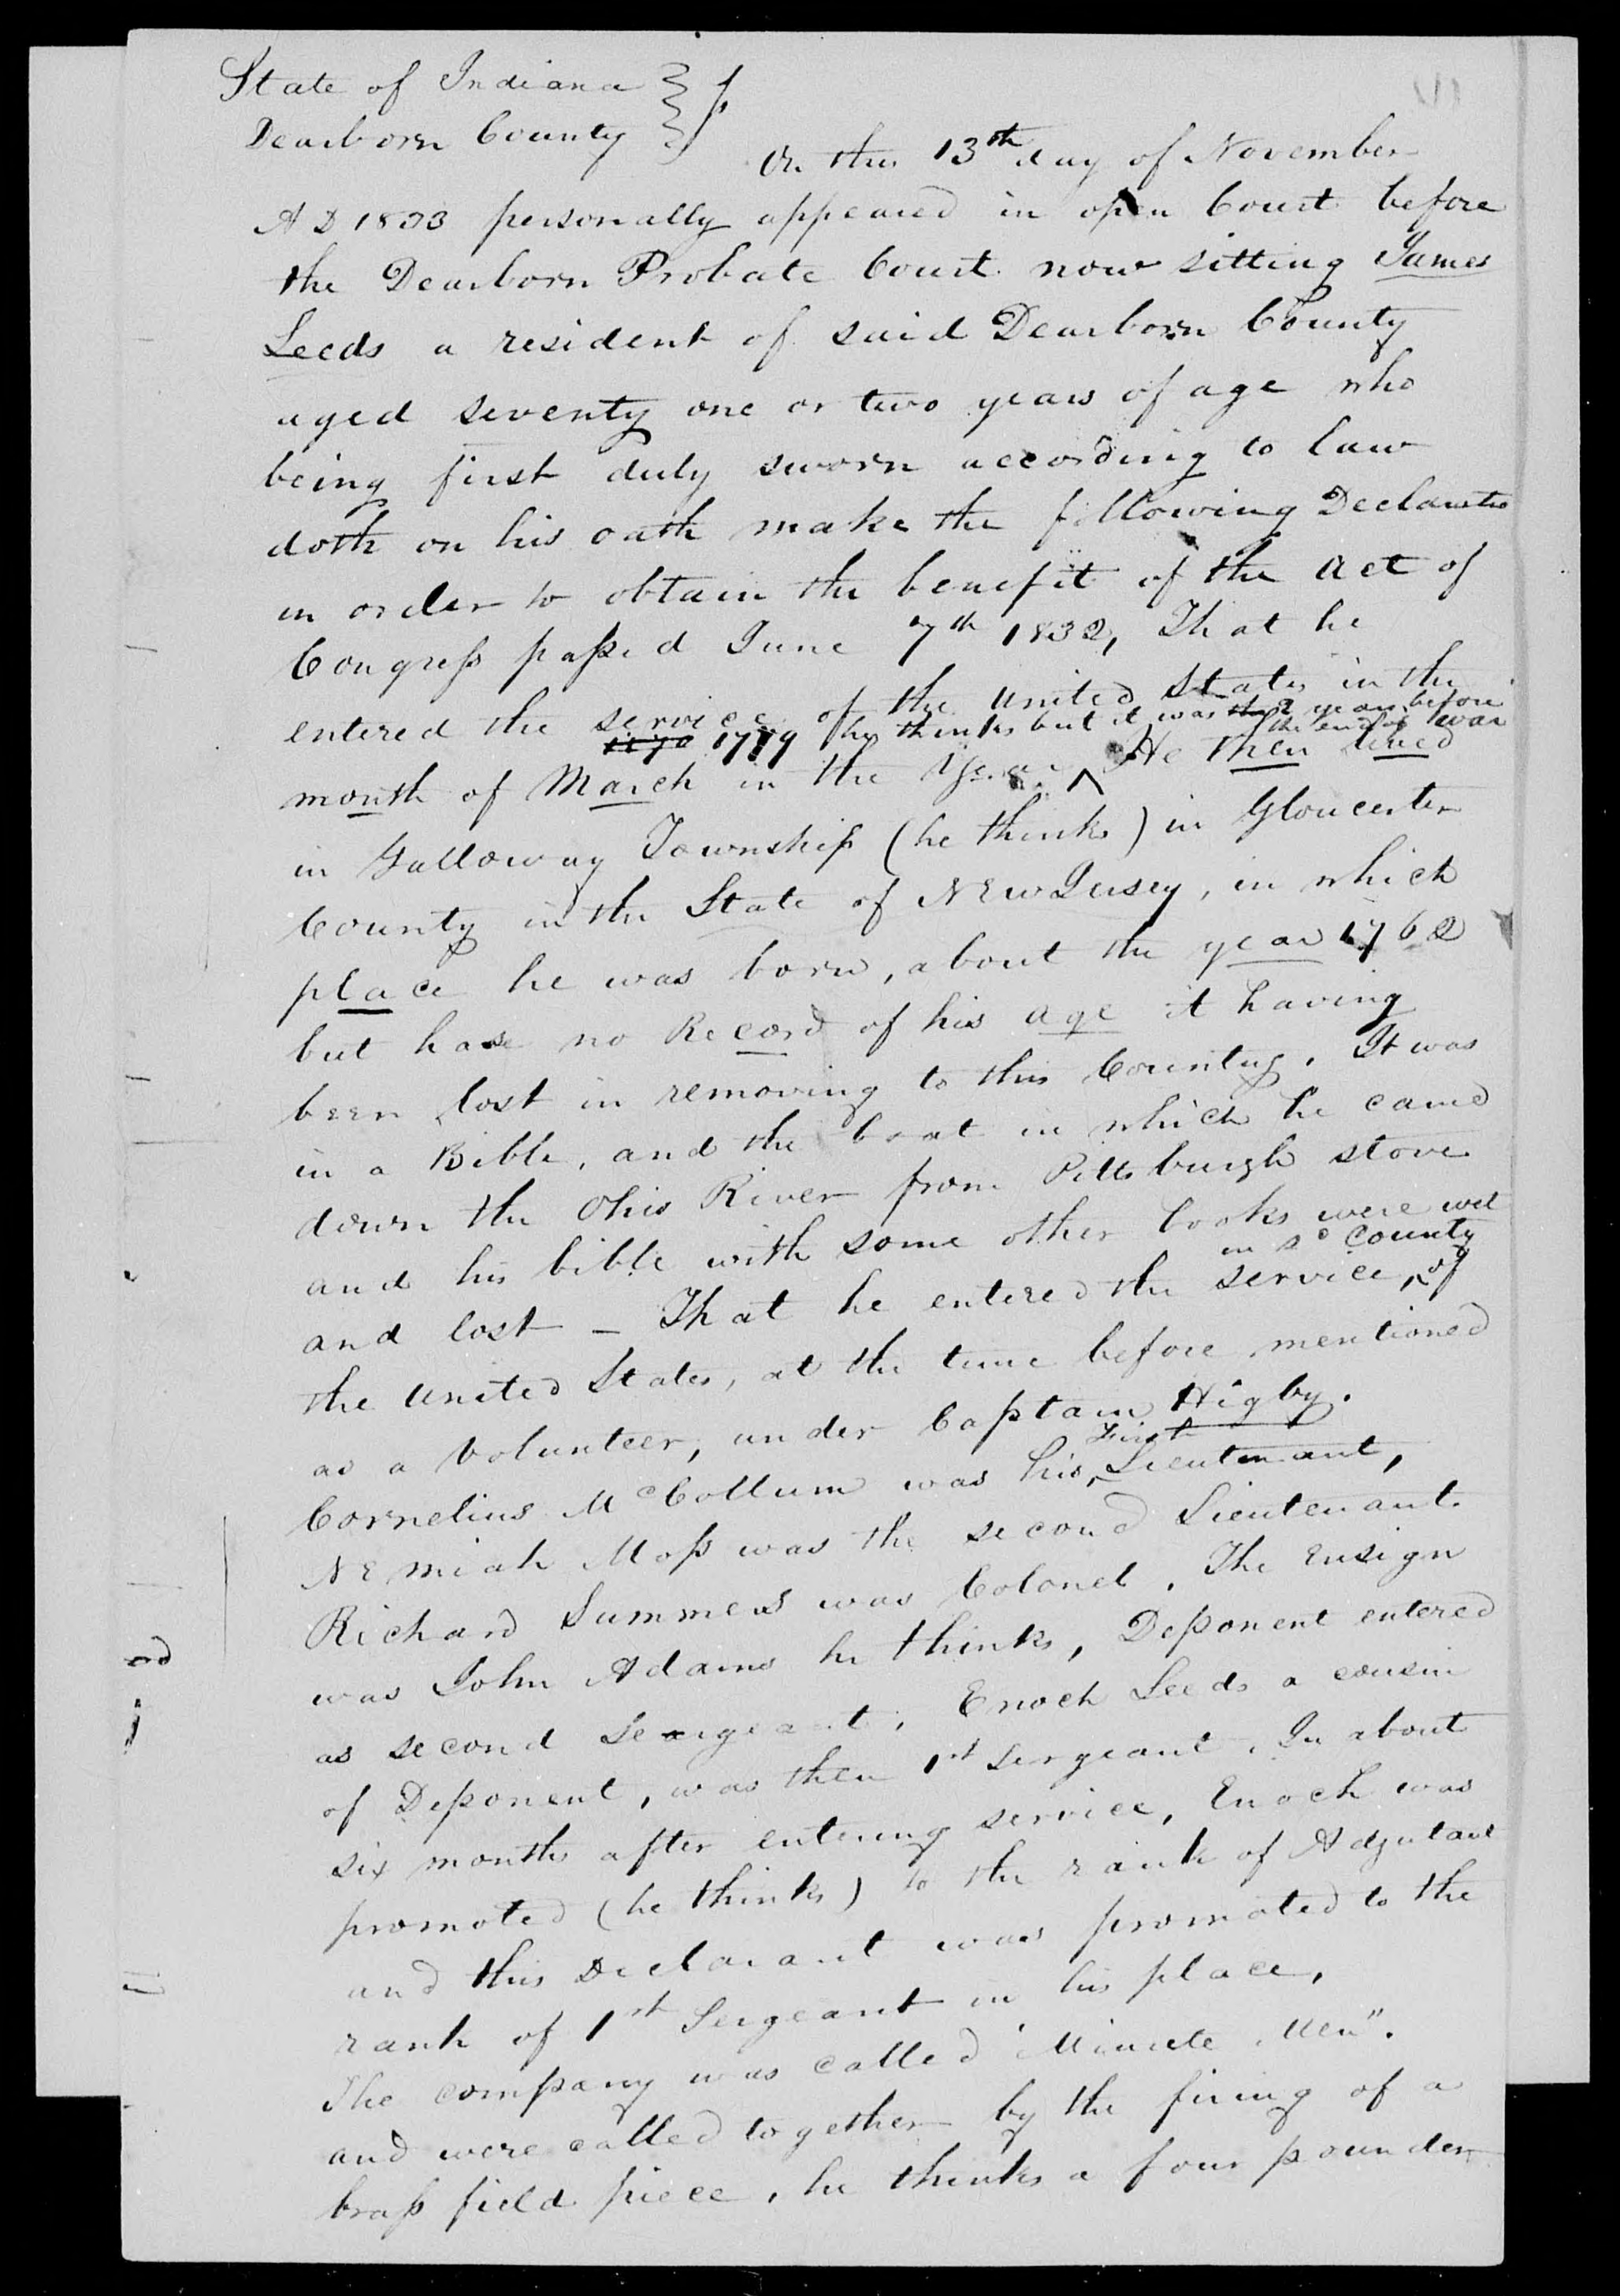State of Indiana
Dearborn County
Ss

On this 13th day of November AD 1833 personally appeared in open Court before the Dearborn Probate Court now sitting James Leeds a resident of said Dearborn County aged seventy one or two years of age who being first duly sworn according to law doth on his oath make the following Declarants in order to obtain the benefit of the act of Congress passed June 7th 1832, That he entered the service of the United States in the month of March in the year 1719 he thinks but it was years before the [illegible] was. He then lived in Galloway Township (he thinks) in Gloucester County in the State of New Jersey, in which place he was born, about the year 1762 but has no record of his age it having been lost in removing to this County. It was in a Bible, and the boat in which he came down the Ohio River from Pittsburgh stove and his bible with some other books were wet and lost That he entered the service in said County of the United States, at the time before mentioned as a volunteer, under captain Higby. Cornelius McCollum was his First Lieutenant, Nemiah Moss was the second Lieutenant Richard Summers was Colonel. The ensign was John Adams he thinks, Deponent entered as second Sergeant, Enoch Leeds a cousin of Deponent, was then 1st Sergeant In about six months after entering service, Enoch was promoted (he thinks) to the ranks of Adjutant and this Declarant was promoted to the rank of 1st Sergeant in his place. The company was called "Minute Men." and were called together by the firing of a brass field piece, he thinks a four pounder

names: James Leeds; Cornelius Mc Collum; Nemiah Moss; Richard Summers; [BLANK] Higby; John Adams; Enoch Leeds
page: 3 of 38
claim: survivor's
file: S 31817, for James Leeds, New Jersey